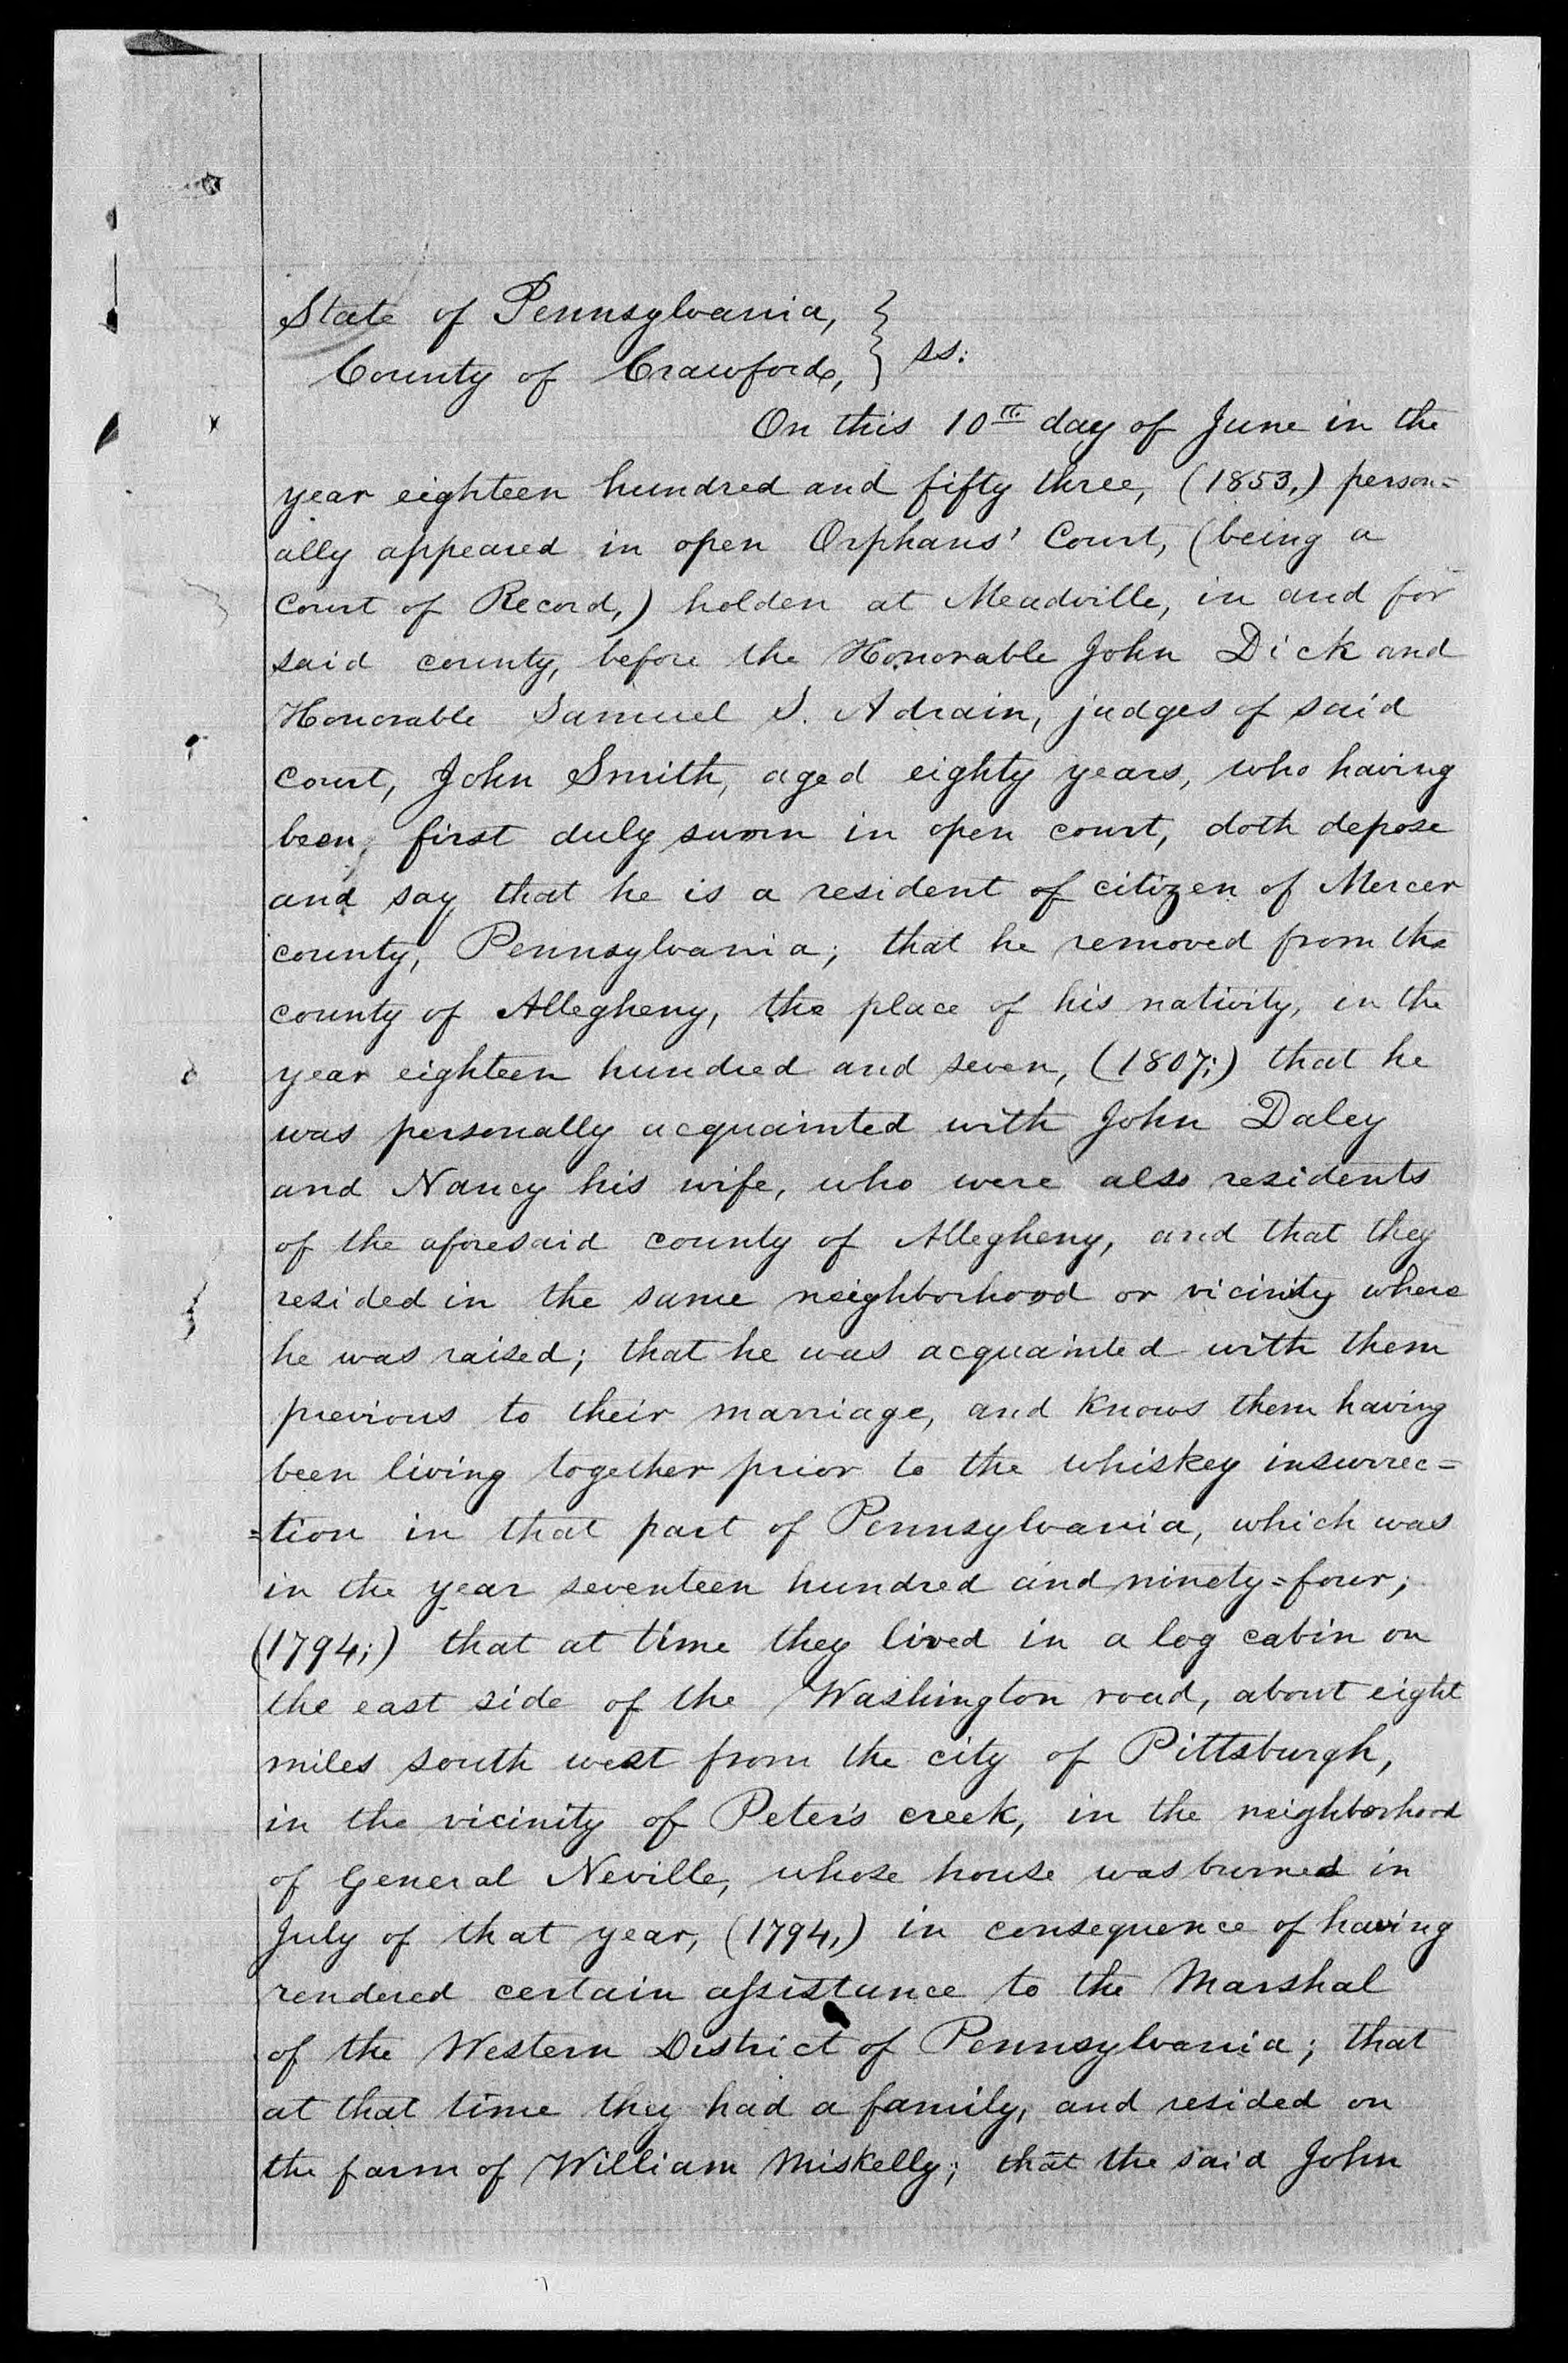[pg 1 of 3]

State of Pennsylvania,
County of Crawford,} ss.
On this 10th day of June in the year eighteen hundred and fifty three, (1853,) personally appeared in open Orphans' Court, (being a court of Record,) holden at Meadville, in and for said county, before the Honorable John Dick and Honorable Samuel S. Adrain, judges of said court, John Smith, aged eighty years, who having been first duly sworn in open court, doth depose and say that he is a resident of citizen of Mercer county, Pennsylvania, that he removed from the county of Allegheny, the place of his nativity, in the year eighteen hundred and seven, (1807;) that he was personally acquainted with John Daley and Nancy his wife, who were also residents of the aforesaid county of Allegheny, and that they resided in the same neighborhood or vicinity where he was raised; that he was acquainted with them previous to their marriage, and knows them having been living together prior to the whiskey insurrection in that part of Pennsylvania, which was in the year seventeen hundred and ninety-four, (1794;) that at [that] time they lived in a log cabin on the east side of the Washington road, about eight miles south west from the city of Pittsburgh, in the vicinity of Peter's creek, in the neighborhood of General Neville, whose house was burned in July of that year, (1794,) in consequence of having rendered certain assistance to the Marshal of the Western District of Pennsylvania; that at that time they had a family, and resided on the farm of William Miskelly; that the said John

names: Nancy, John, John Dick, William Miskelly, John Smith, John Daley, Samuel S Adrain, Neville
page: 45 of 63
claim: widow's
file: W. 3228, John Daly, Penn.